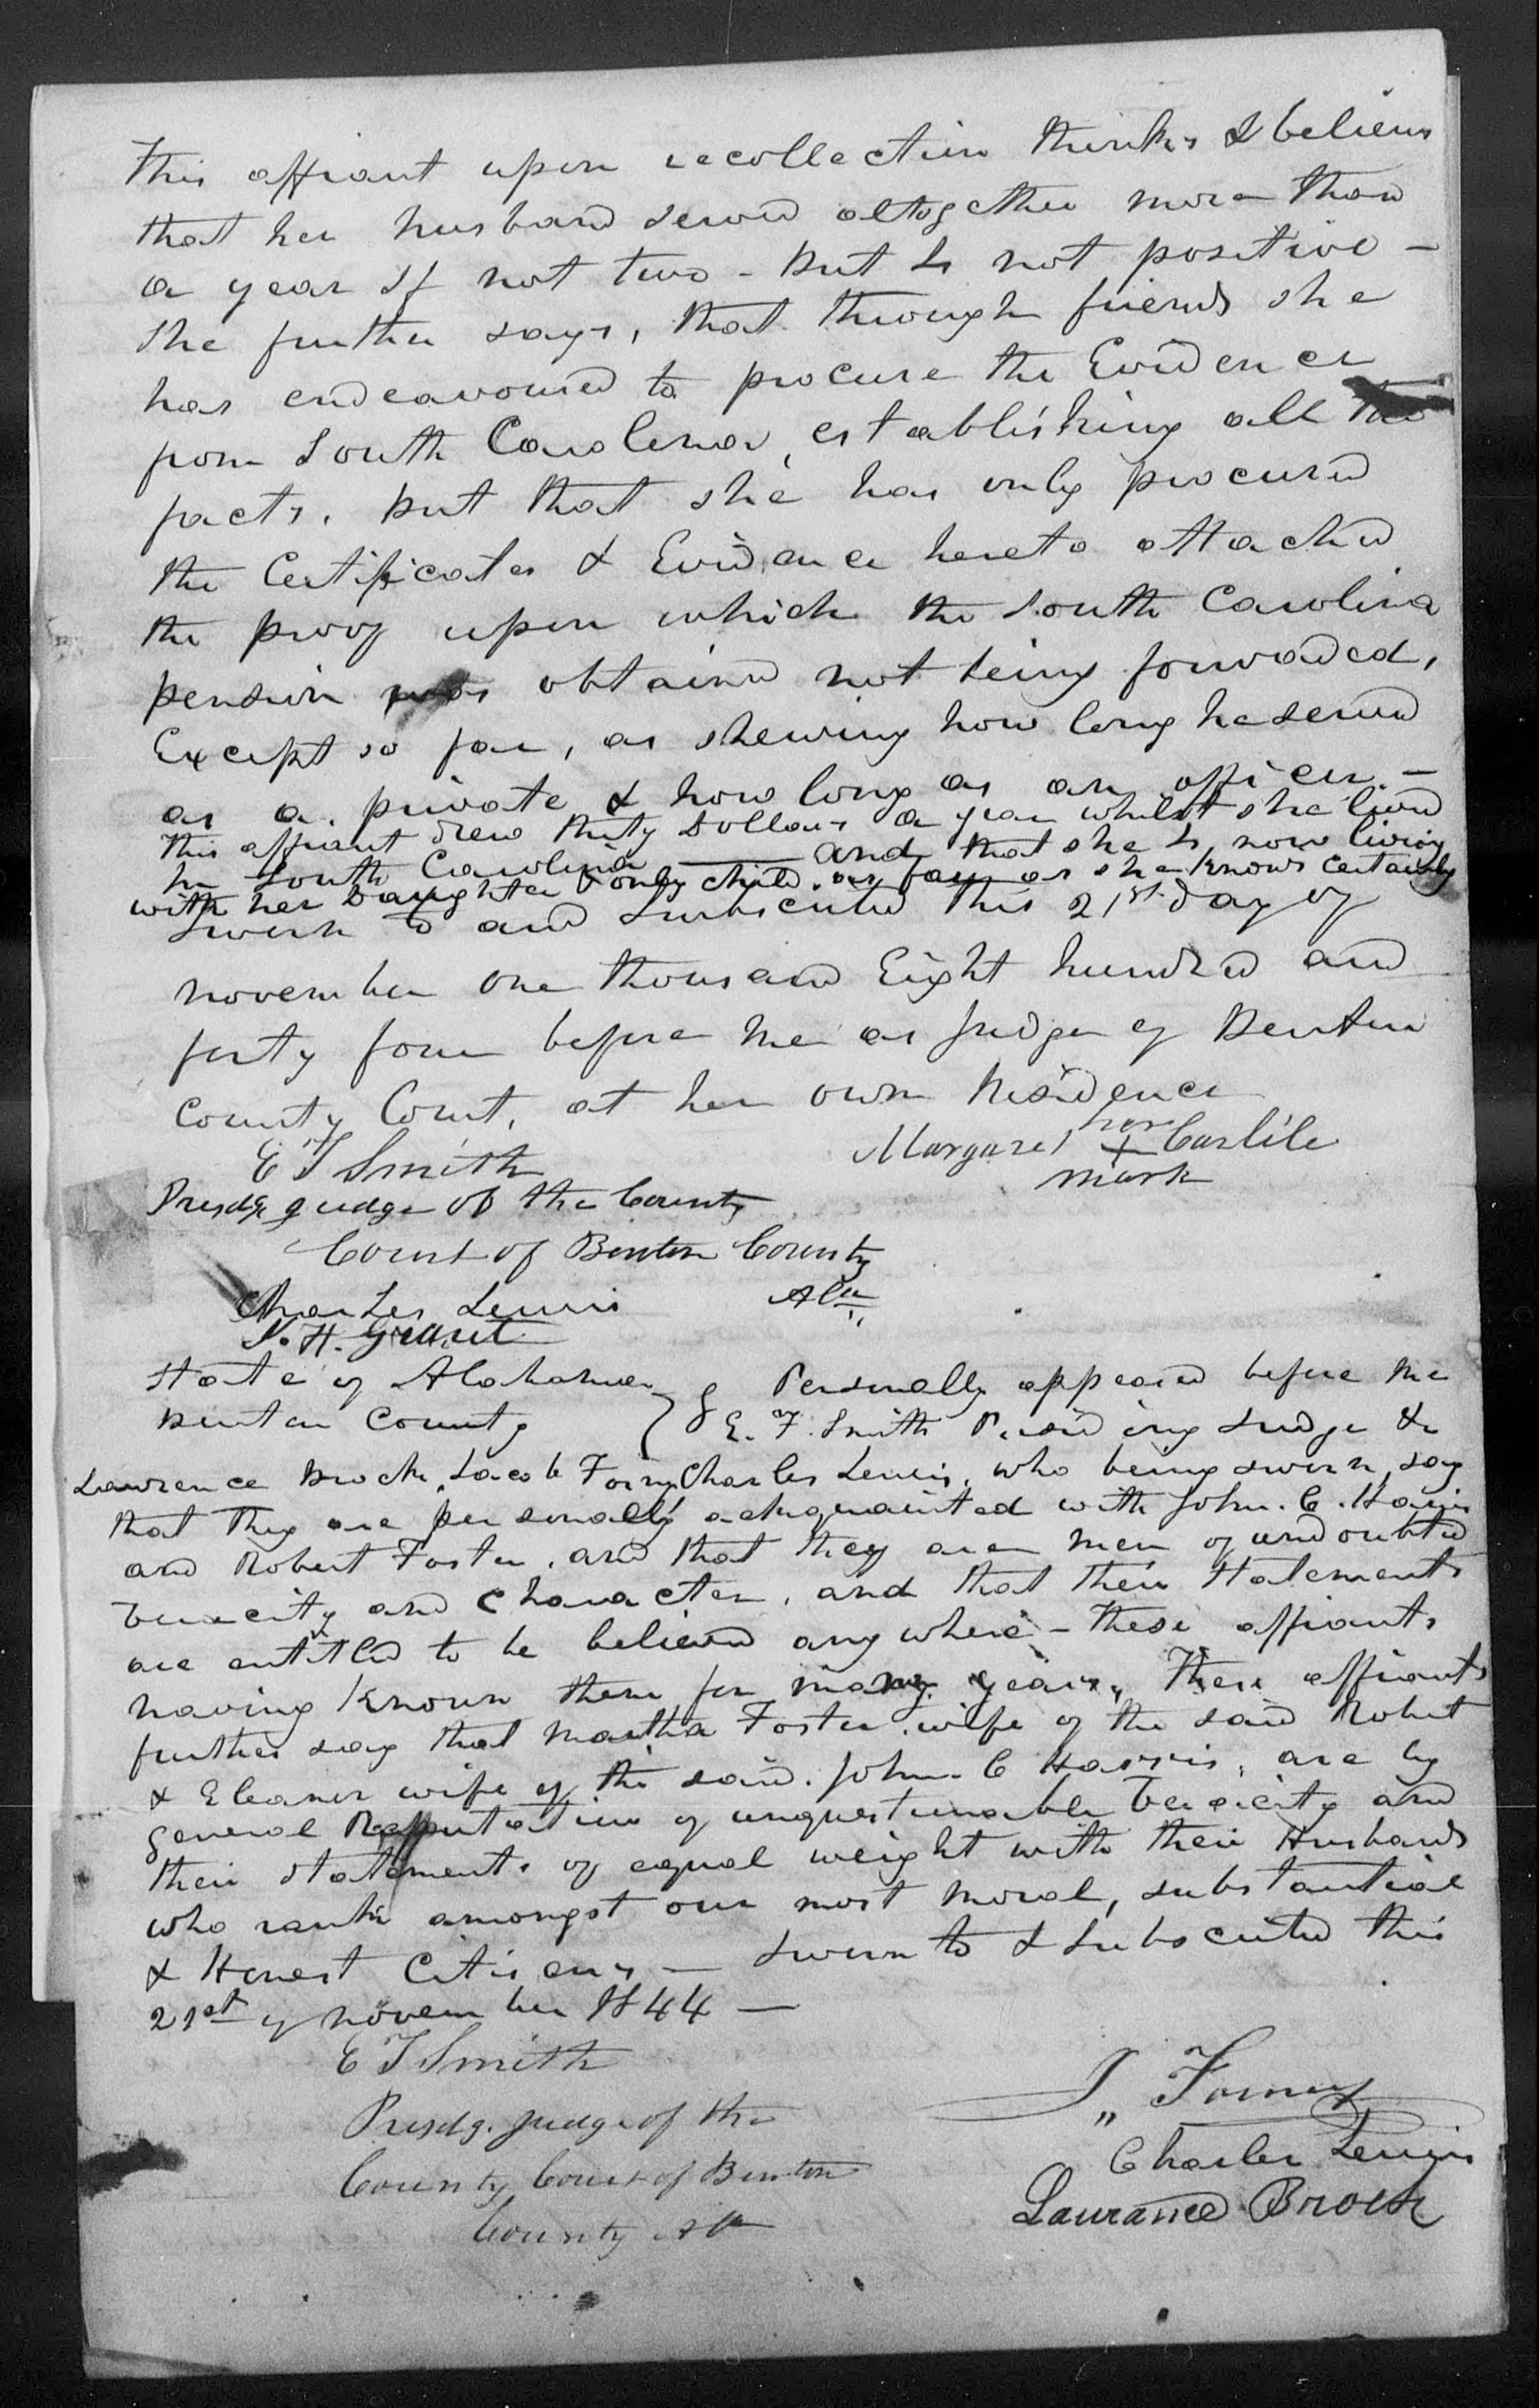this affiant upon recollection thinks & believes that her husband served altogether more than a year if not two-- But is not positive - she further says, that through friends she has endeavored to procure the Evidence from South Carolina, establishing all fact, but that she has only procured
the Certificates & evidence hereto attached, the proof upon which the South Carolina pension  was obtained not being forwarded. except so far, as shewing how long he served as a private & how long as an officer - this affiant drew thirty Dollars a year whilst she lived in South Carolina - and that she now living with her daughter & only child as far as she know certainly
[signed] Margaret X Carlisle her mark
Sworn to and subscribed this 21st day of November one thousand Eight hundred and forty four before me as Judge of Benton County Court, at her own residence
E T Smith Presiding Judge of the County court of Benton County Ala
Charles Lewis
J. H. Grant


State of Alabama 
Benton County
Personally appeared before me E. T. Smith presiding Judge &c, Lawrence Brock [illegible] Charles Lewis, who being sworn, says that they are personally acquainted with John C. Harris and Robert Foster, and that they are men of undoubted veracity and character, and that their statements are entitled to be believed any where-- these affiants having known them for many years, these affiants
further say that Martha Foster wife of the said Robert & Elanor wife of the said John C are by
general reputation of unquestionable veracity and their statement, of equal weight with their Husband and who rank amongst our most moral, substantial & Honest Citizens

Sworn to & subscribed this 21st November 1844
E T Smith Presiding Judge of the County Court of Benton County Ala
J Forney
Charles Lewis
Lawrence Brock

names: Charles Lewis, John C Harris, Lawrance Brock, John C Harris, J Fanney, E T Smith, J H Grant, Charles Lewis, Charles Lewis, Lawrence Brock, Jacob Fanney, Margaret Carlile, E F Smith, E T Smith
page: 9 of 91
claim: widow's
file: W. 10576, Francis Carlisle, S.C.